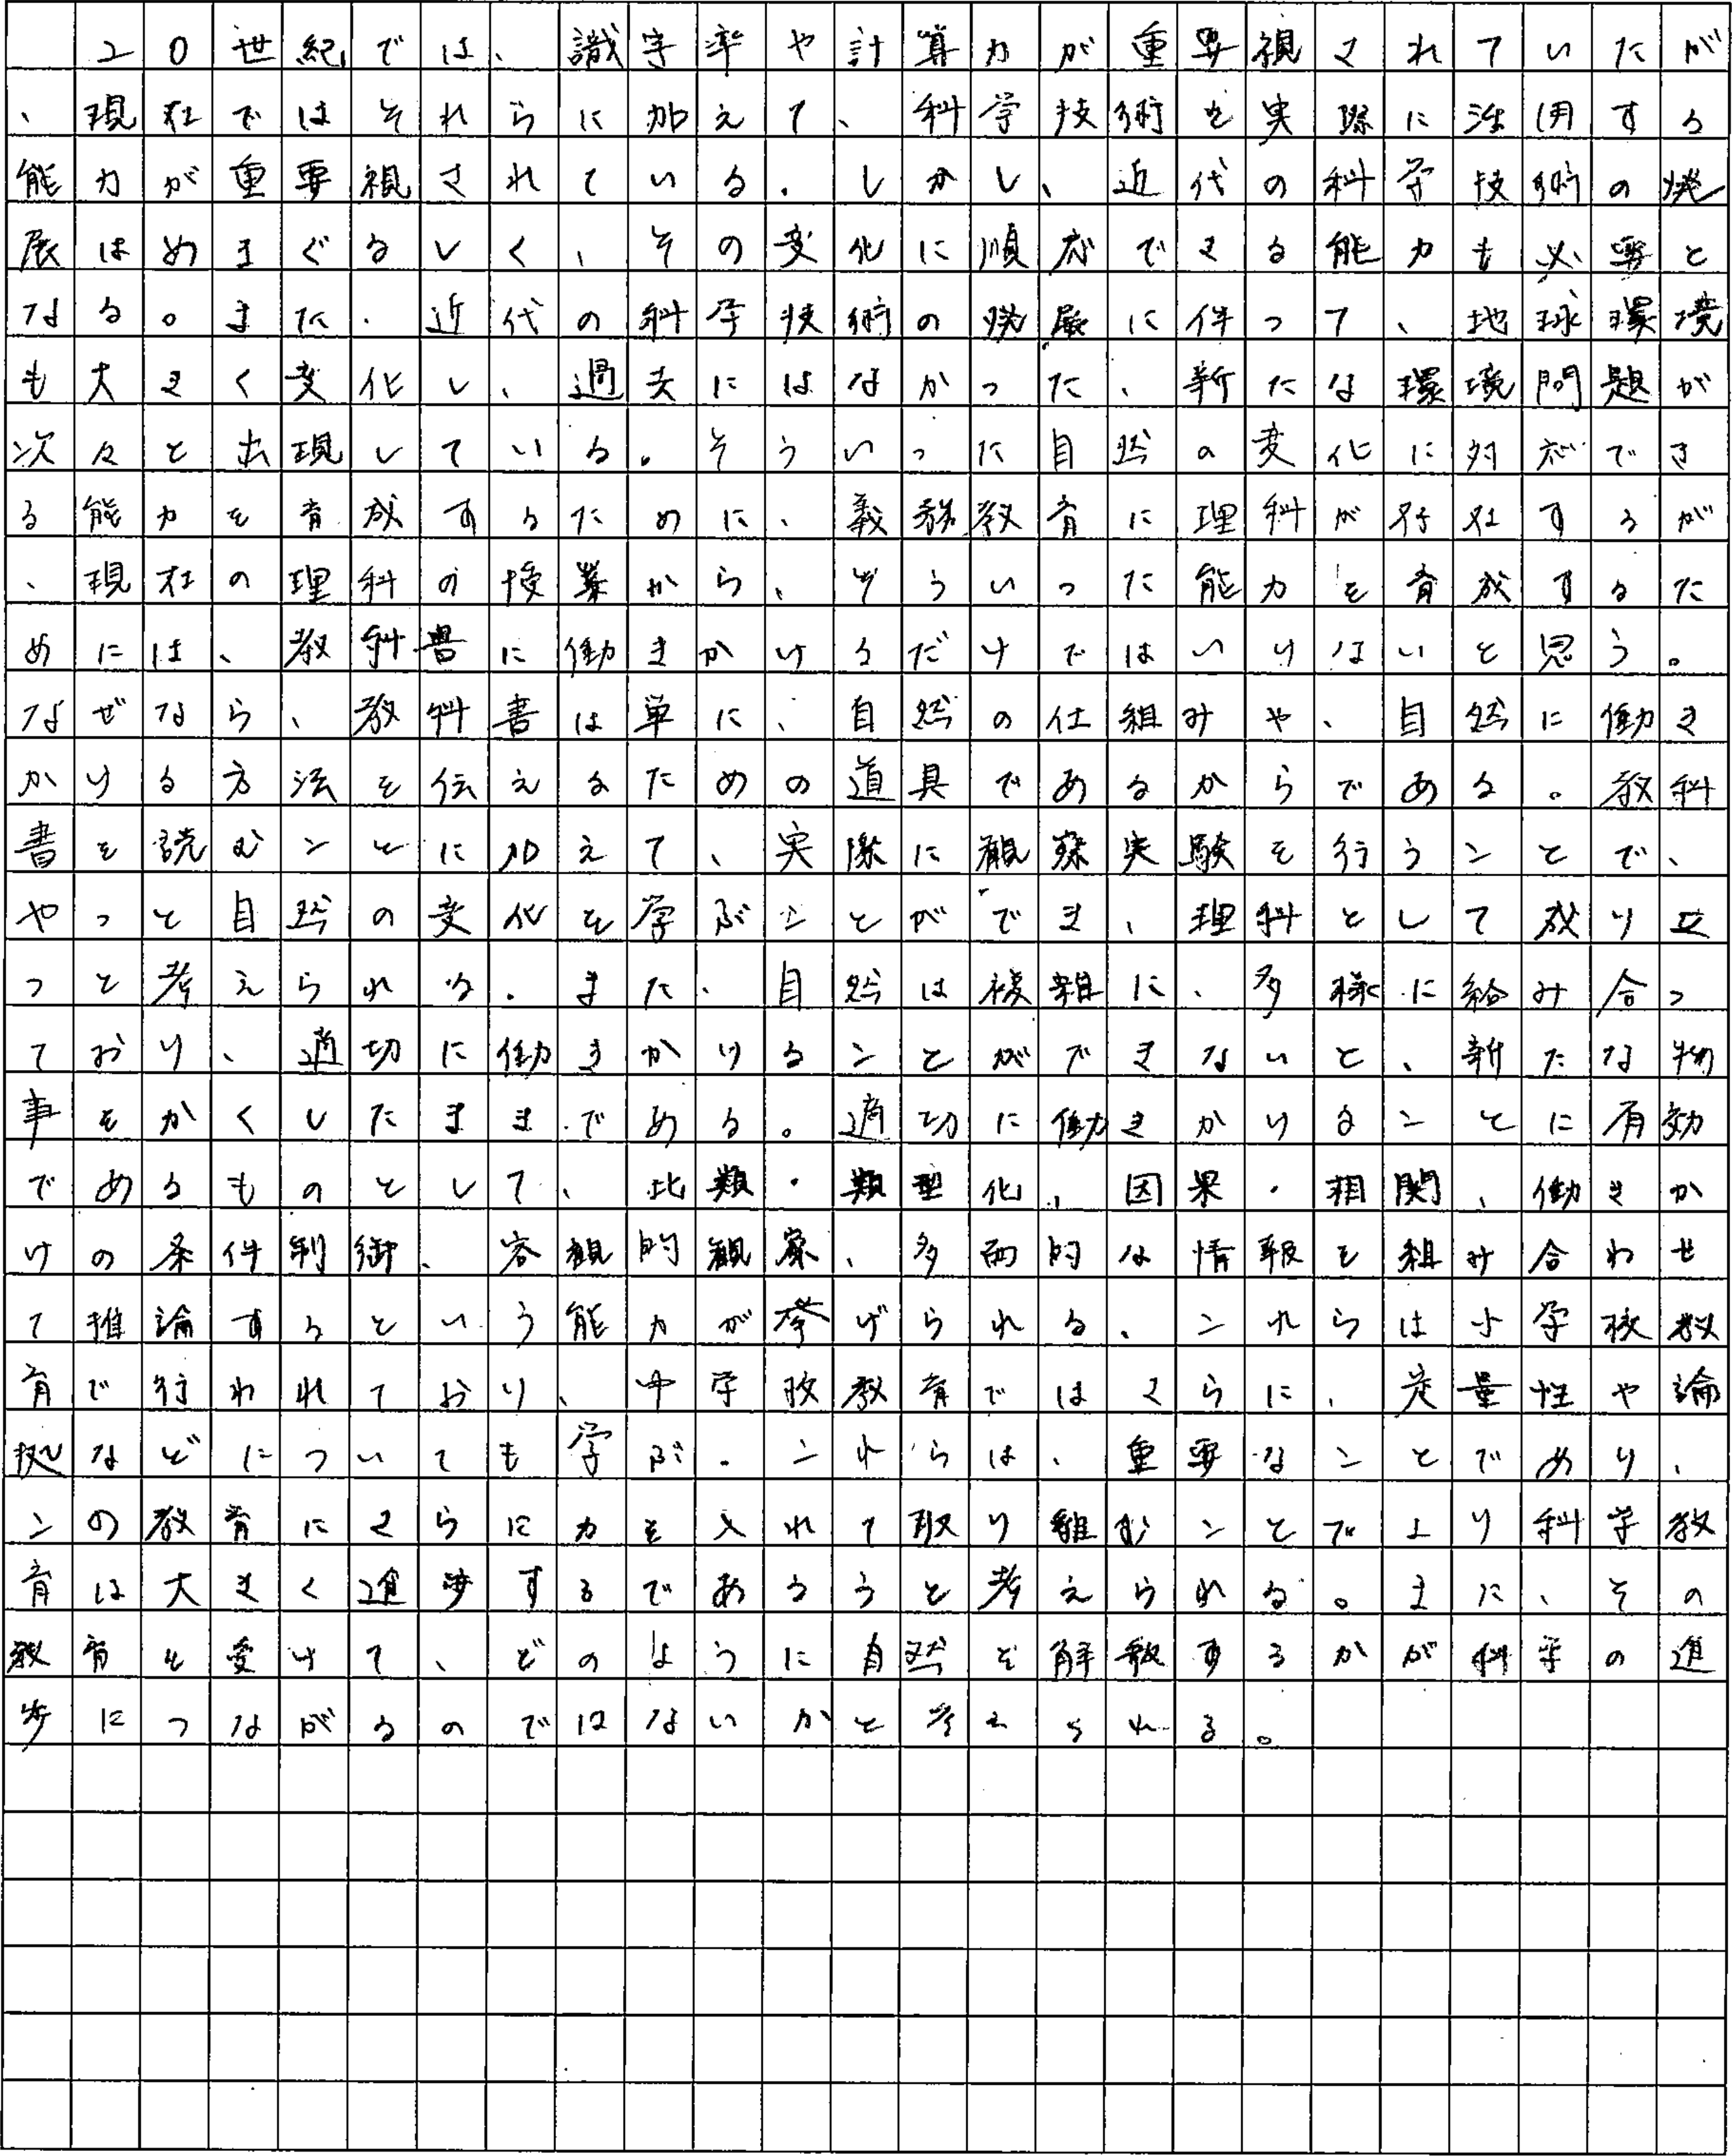　２０世紀では、識字率や計算力が重要視されていたが、現在ではそれらに加えて、科学技術を実際に活用する能力が重要視されている。しかし、近代の科学技術の発展はめまぐるしく、その変化に順応できる能力も必要となる。また、近代の科学技術の発展に伴って、地球環境も大きく変化し、過去にはなかった、新たな環境問題が次々と出現している。そういった自然の変化に対応できる能力を育成するために、義務教育に理科が存在するが、現在の理科の授業から、そういった能力を育成するためには、教科書に働きかけるだけではいけないと思う。なぜなら、教科書は単に、自然の仕組みや、自然に働きかける方法を伝えるための道具であるからである。教科書を読むことに加えて、実際に観察実験を行うことで、やっと自然の変化を学ぶことができ、理科として成り立つと考えられる。また、自然は複雑に、多様に絡み合っており、適切に働きかけることができないと、新たな物事をかくしたままである。適切に働きかけることに有効であるものとして、比類・類型化、因果・相関、働きかけの条件制御、客観的観察、多面的な情報を組み合わせて推論するという能力が挙げられる。これらは小学校教育で行われており、中学校教育ではさらに、定量性や論拠などについても学ぶ。これらは、重要なことであり、この教育にさらに力を入れて取り組むことでより科学教育は大きく進歩するであろうと考えられる。また、その教育を受けて、どのように自然を解釈するかが科学の進歩につながるのではないかと考えられる。
